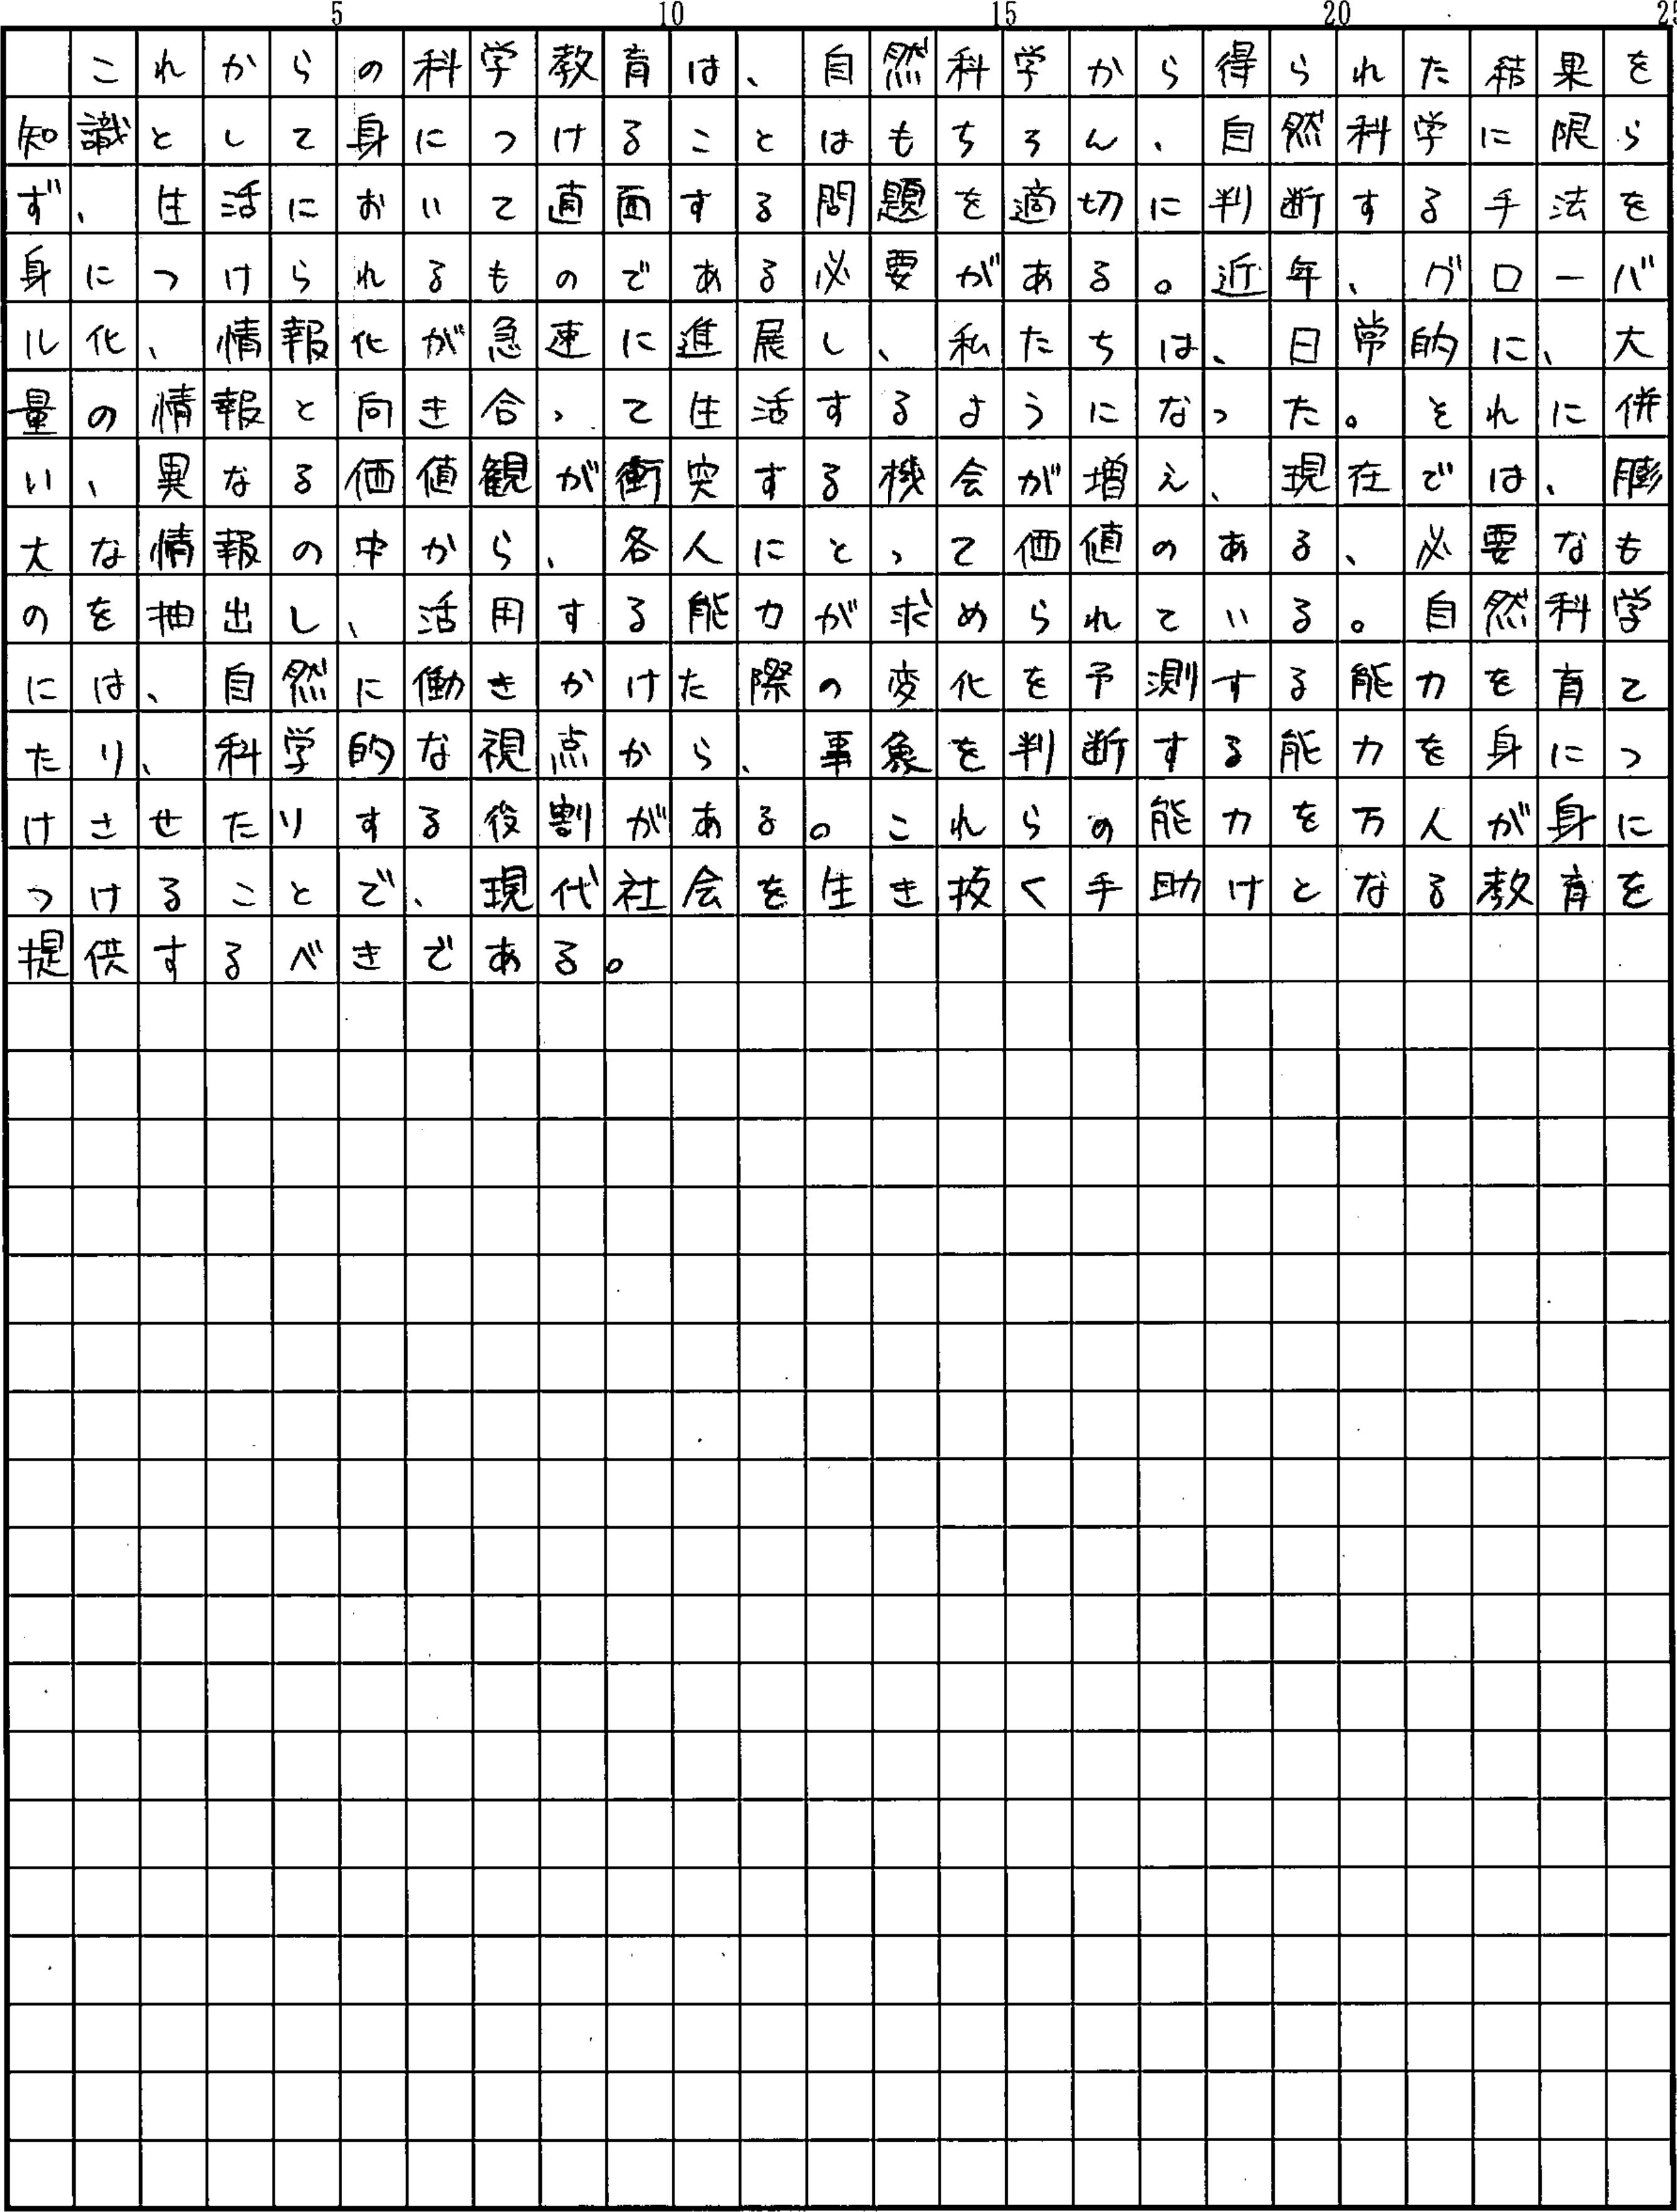　これからの科学教育は、自然科学から得られた結果を知識として身につけることはもちろん、自然科学に限らず、生活において直面する問題を適切に判断する手法を身につけられるものである必要がある。近年、グローバル化、情報化が急速に進展し、私たちは、日常的に、大量の情報と向き合って生活するようになった。それに併い、異なる価値観が衝突する機会が増え、現在では、膨大な情報の中から、各人にとって価値のある、必要なものを抽出し、活用する能力が求められている。自然科学には、自然に働きかけた際の変化を予測する能力を育てたり、科学的な視点から、事象を判断する能力を身につけさせたりする役割がある。これらの能力を万人が身につけることで、現代社会を生き抜く手助けとなる教育を提供するべきである。
